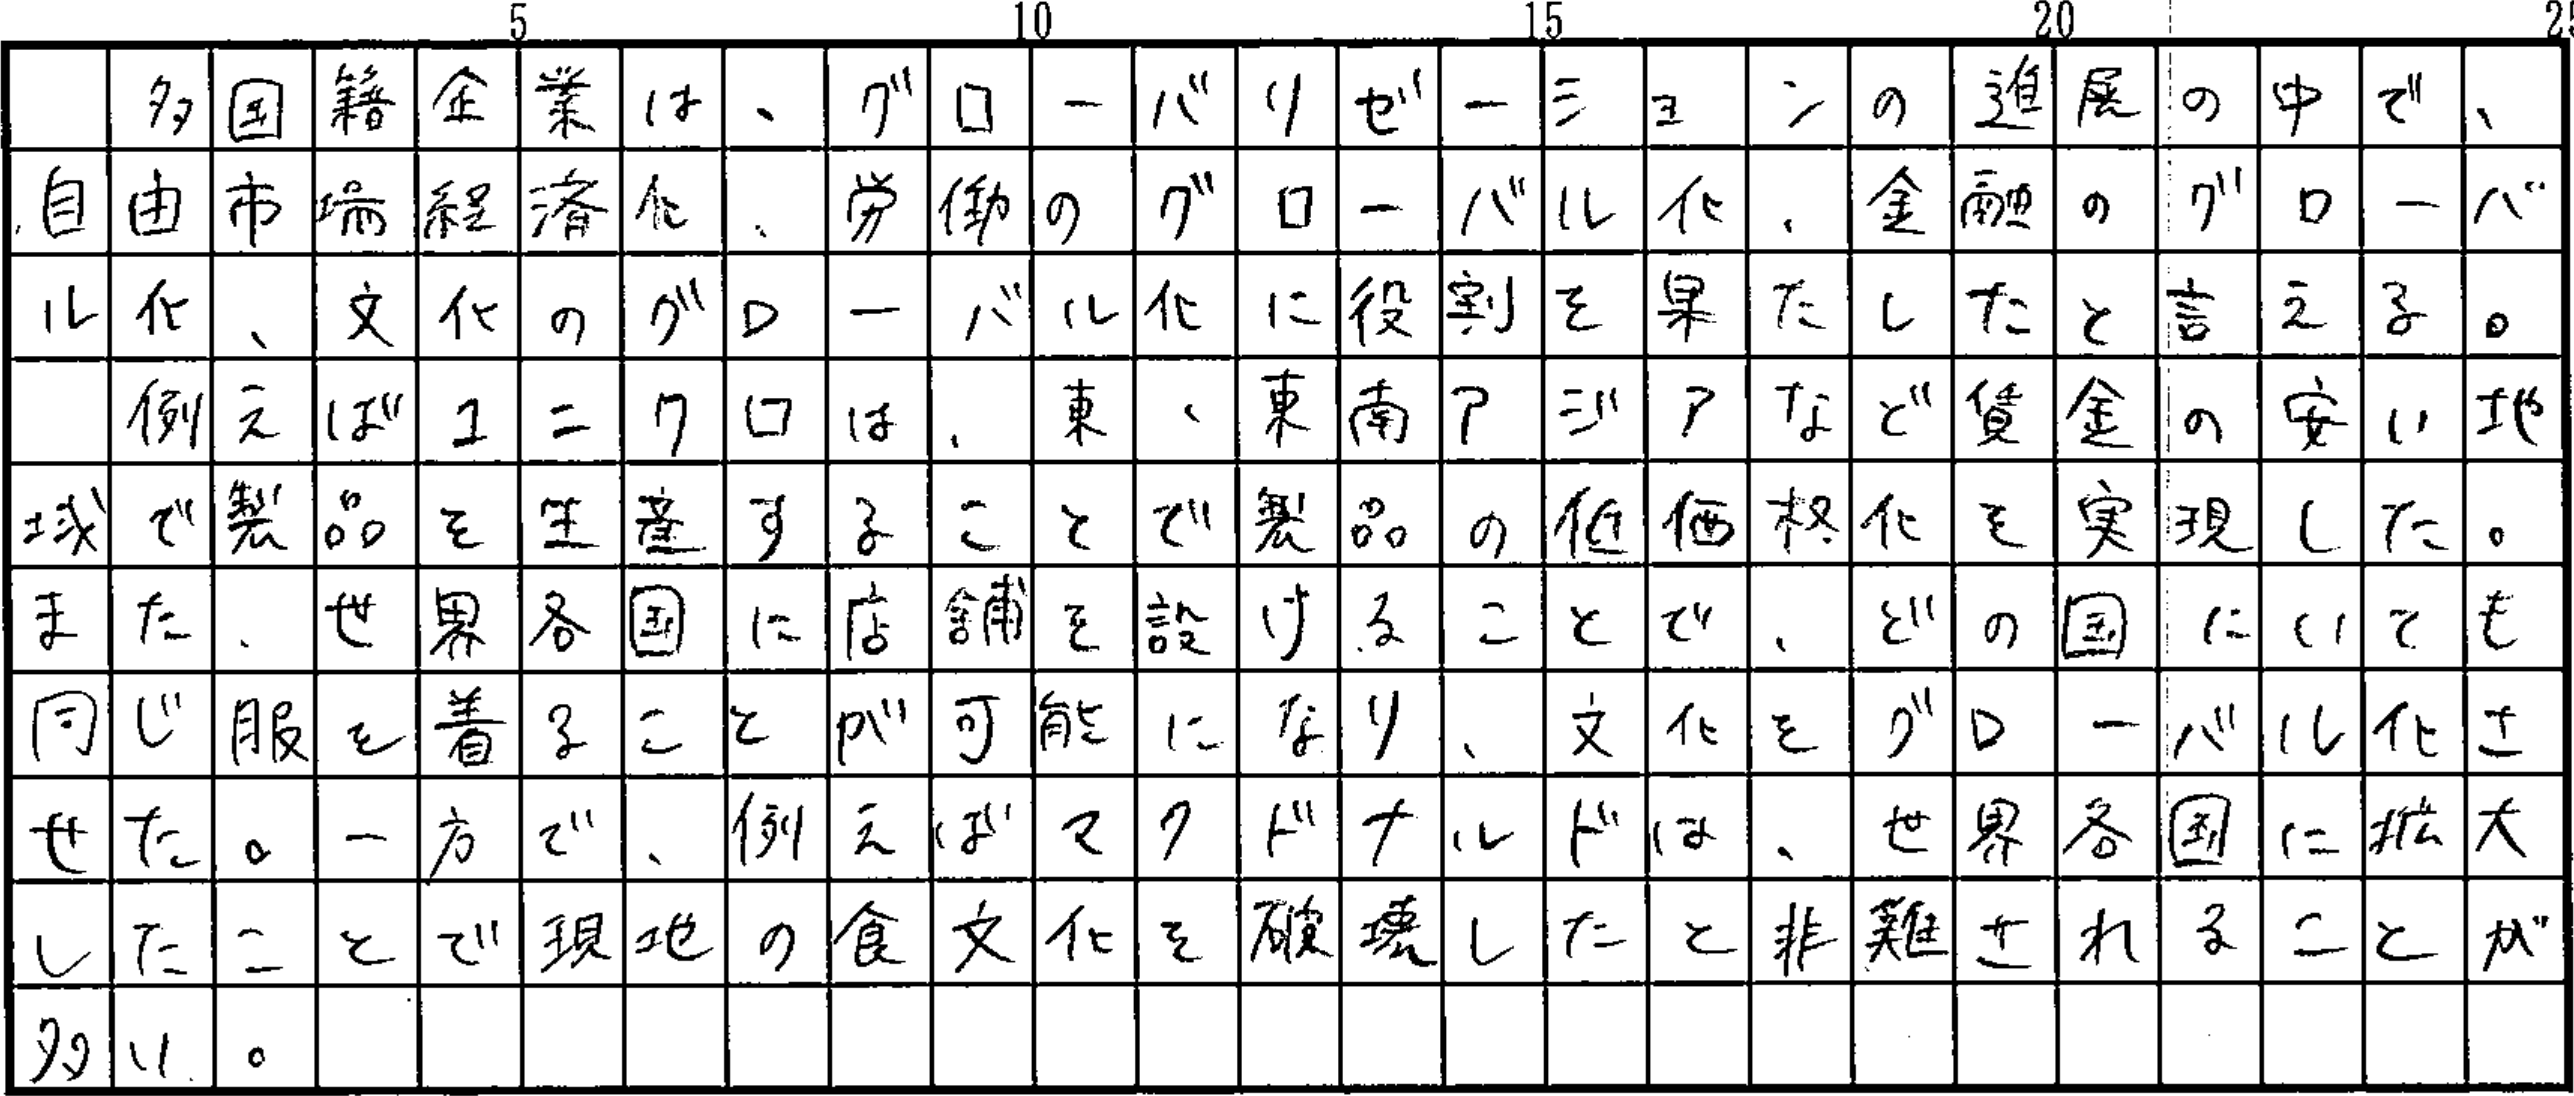　多国籍企業は、グローバリゼーションの進展の中で、自由市場経済化、労働のグローバル化、金融のグローバル化、文化のグローバル化に役割を果たしたと言える。
　例えばユニクロは、東・東南アジアなど賃金の安い地域で製品を生産することで製品の低価格化を実現した。また、世界各国に店舗を設けることで、どの国にいても同じ服を着ることが可能になり、文化をグローバル化させた。一方で、例えばマクドナルドは、世界各国に拡大したことで現地の食文化を破壊したと非難されることが多い。
